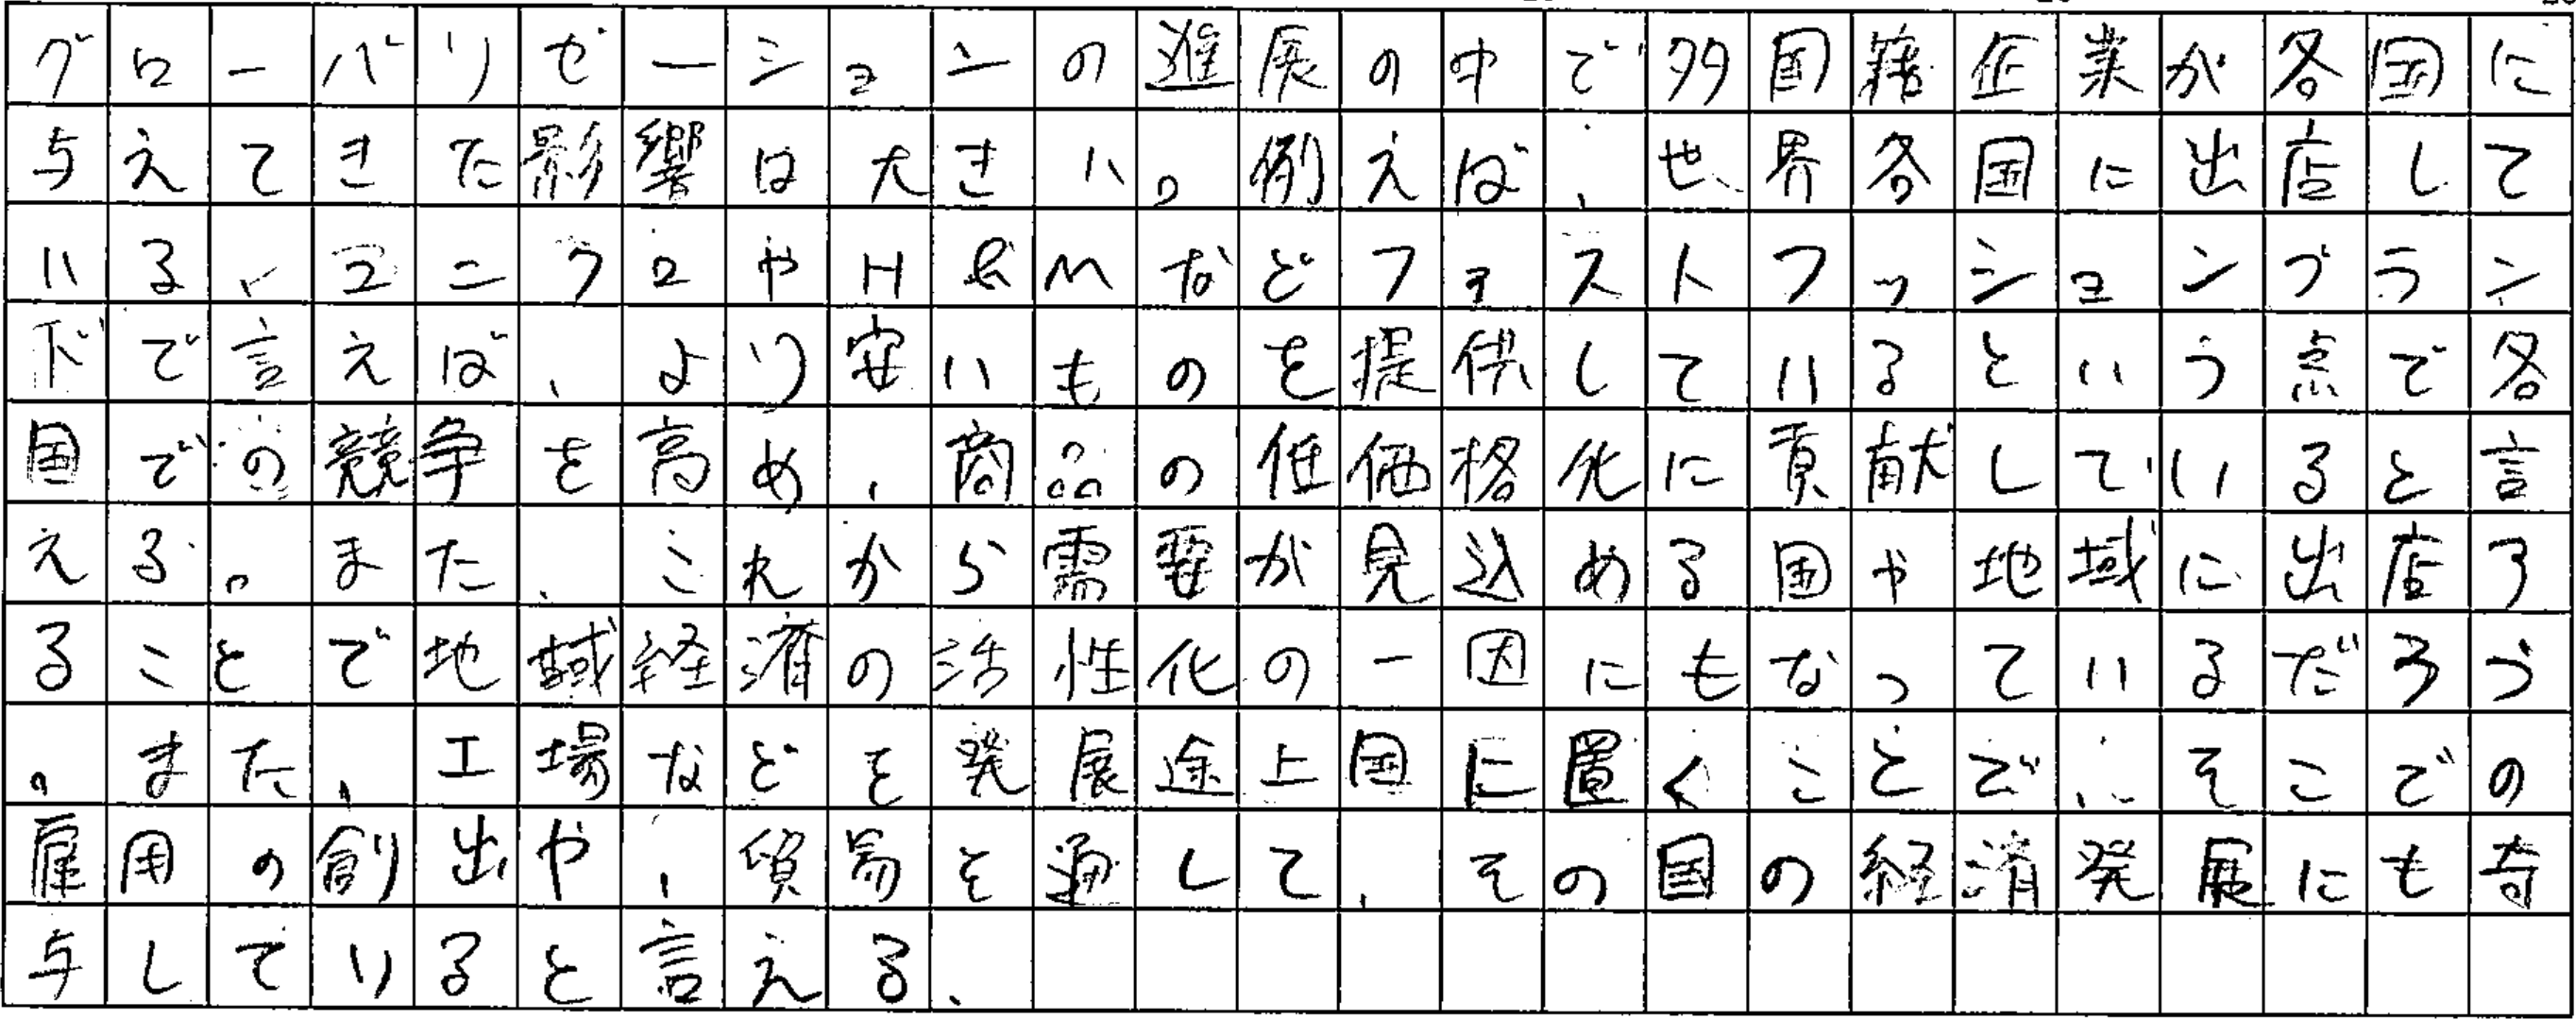グローバリゼーションの進展の中で多国籍企業が各国に与えてきた影響は大きい。例えば、世界各国に出店している、ユニクロやH＆Mなどファストファッションブランドで言えば、より安いものを提供しているという点で各国での競争を高め、商品の低価格化に貢献していると言える。また、これから需要が見込める国や地域に出店することで地域経済の活性化の一因にもなっているだろう。また、工場などを発展途上国に置くことで、そこでの雇用の創出や、貿易を通して、その国の経済発展にも奇与していると言える。
